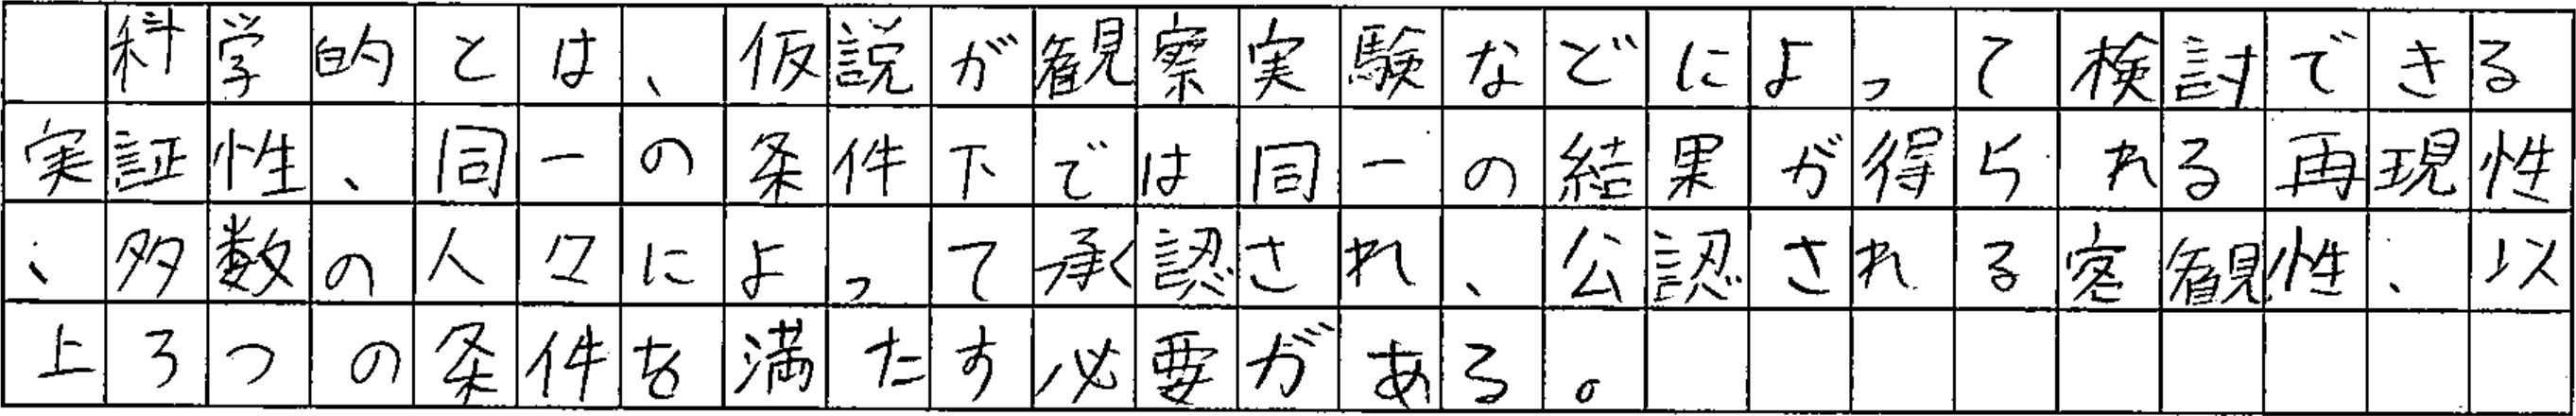　科学的とは、仮説が観察実験などによって検討できる実証性、同一の条件下では同一の結果が得られる再現性、多数の人々によって承認され、公認される客観性、以上３つの条件を満たす必要がある。
